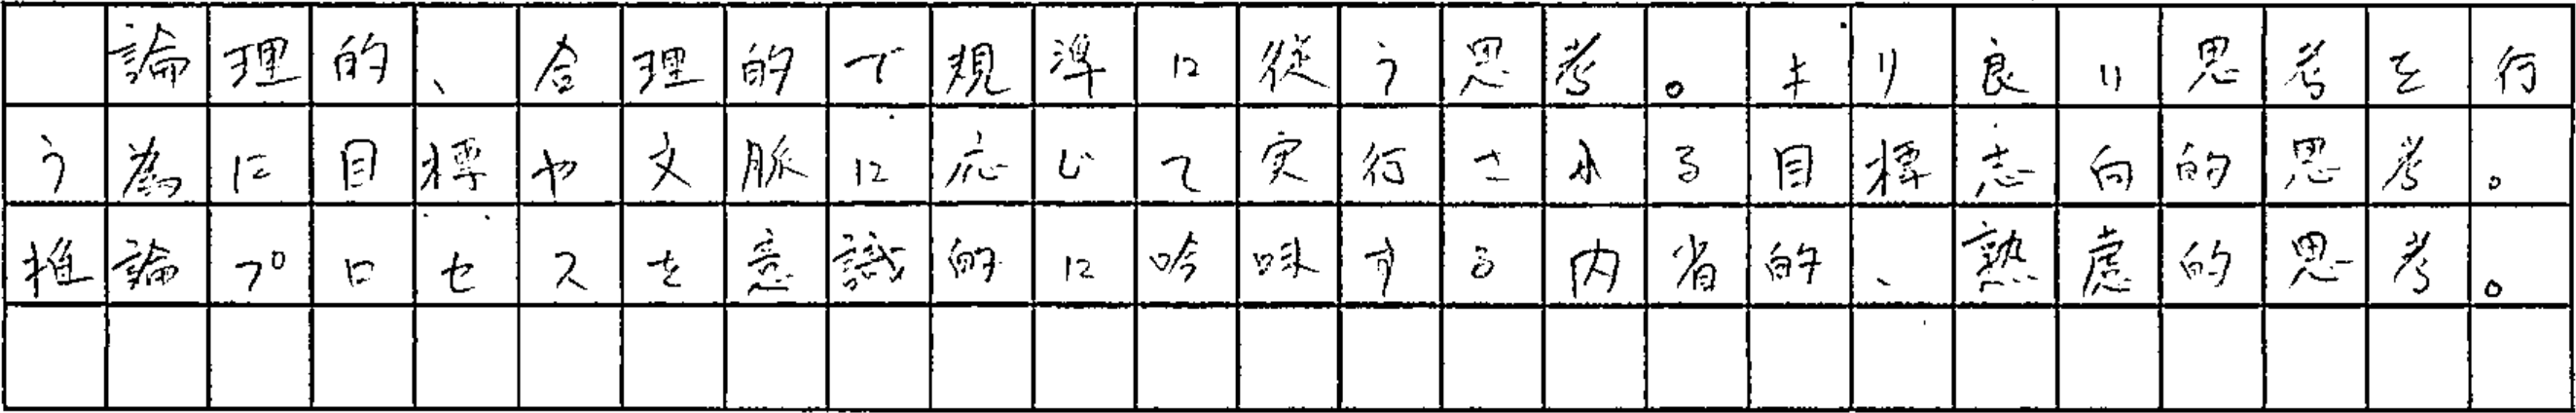　論理的、合理的で規準に従う思考。より良い思考を行う為に目標や文脈に応じて実行される目標志向的思考。推論プロセスを意識的に吟味する内省的、熟慮的思考。
